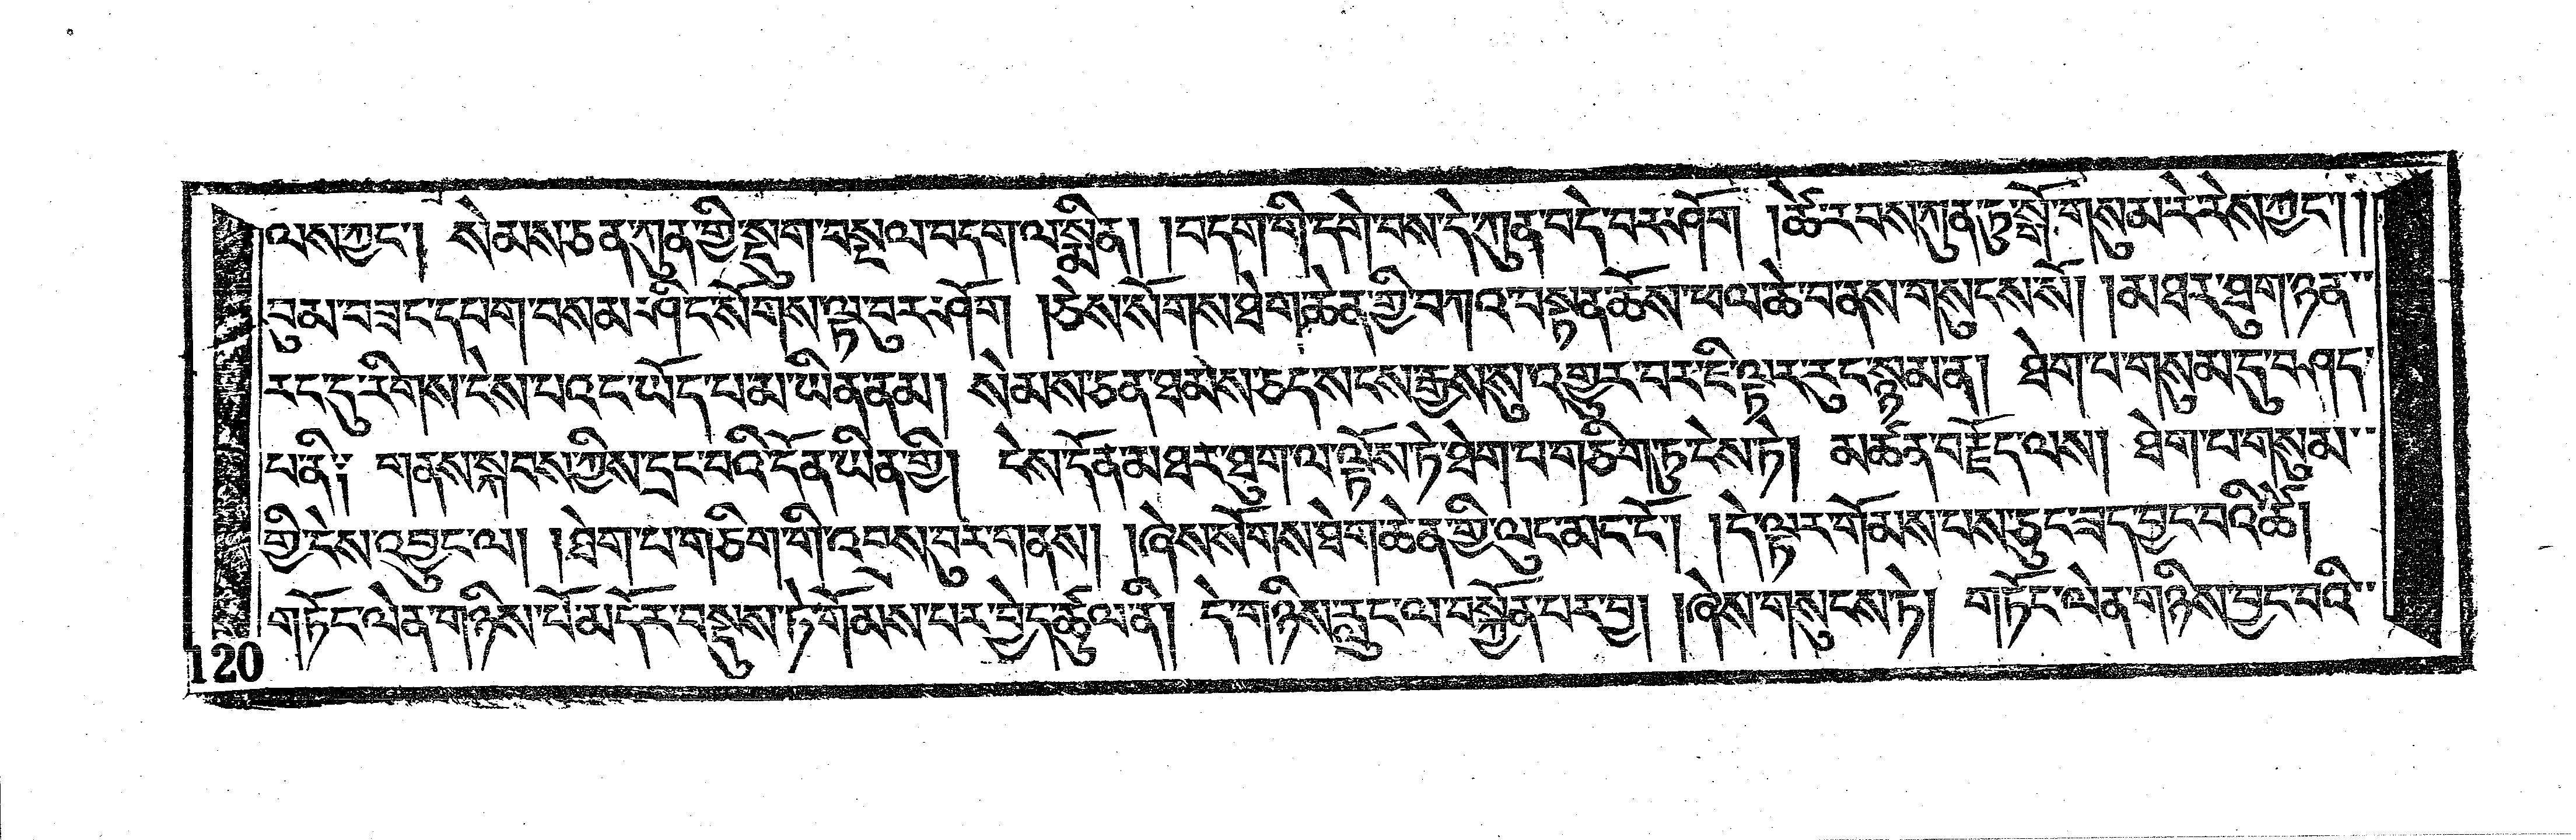ལས་ཀྱང་། སེམས་ཅན་ཀུན་གྱི་སྡུག་བསྔལ་བདག་ལ་སྨིན། །བདག་གི་དགེ་བས་དེ་ཀུན་བདེ་བར་ཤོག །ཚེ་རབས་ཀུན་ཏུ་སྒོ་གསུམ་རེ་རེས་ཀྱང་། །
བུམ་བཟང་དཔག་བསམ་ཤིང་སོགས་ལྟ་བུར་ཤོག །ཅེས་སོགས་ཐེག་ཆེན་གྱི་བཀའ་བསྟན་ཆོས་ཕལ་ཆེ་བ་ནས་གསུངས་སོ། །མཐར་ཐུག་ཉན་
རང་དུ་རིགས་ངེས་པའང་ཡོད་པ་མ་ཡིན་ནམ། སེམས་ཅན་ཐམས་ཅད་སངས་རྒྱས་སུ་འགྱུར་བར་ཇི་ལྟར་རུང་སྙམ་ན། ཐེག་པ་གསུམ་དུ་བཤད་
པ་ནི༑ གནས་སྐབས་ཀྱིས་དྲང་བའི་དོན་ཡིན་གྱི། ངེས་དོན་མཐར་ཐུག་ལ་ལྟོས་ཏེ་ཐེག་པ་གཅིག་ཏུ་ངེས་ཏེ། མཚན་བརྗོད་ལས། ཐེག་པ་གསུམ་
གྱི་ངེས་འབྱུང་ལ། །ཐེག་པ་གཅིག་གི་འབྲས་བུར་གནས། །ཞེས་སོགས་ཐེག་ཆེན་གྱི་ལུང་མང་ངོ། །དེ་ལྟར་གོམས་པས་ཅུང་ཟད་བྱང་བའི་ཚེ།
གཏོང་ལེན་གཉིས་པོ་མདོར་བསྡུས་ཏེ་གོམས་པར་བྱེད་ཚུལ་ནི། དེ་གཉིས་རླུང་ལ་བསྐྱོན་པར་བྱ། །ཞེས་གསུངས་ཏེ། གཏོང་ལེན་གཉིས་བྱང་བའི་